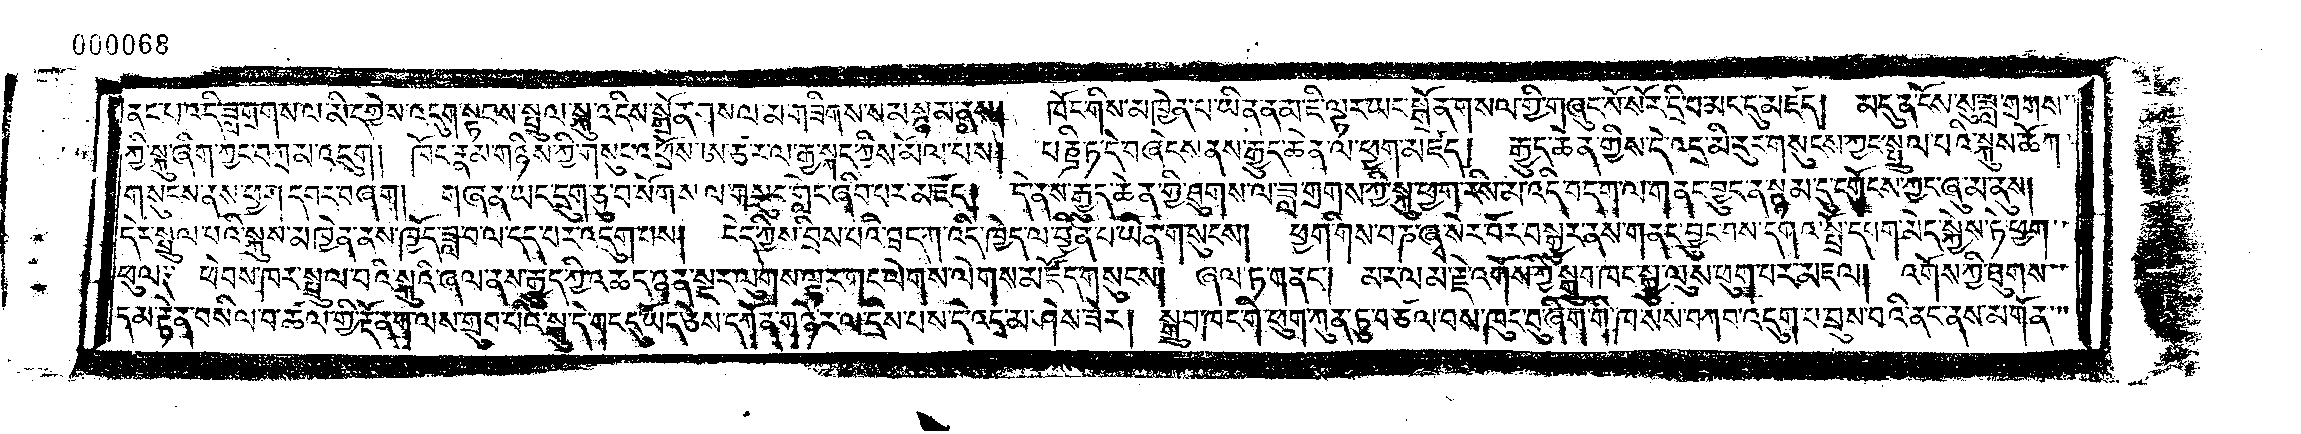ནང་པ་འདི་ཟླ་གྲགས་ལ་མི་དགྱེས་འདུག་སྟབས་སྤྲུལ་སྐུ་འདིས་སྒྲོན་གསལ་མ་གཟིགས་སམ་སྙམ་ནས། ཁོང་གིས་མཁྱེན་པ་ཡིན་ནམ་ཇི་ལྟར་ཡང་སྒྲོན་གསལ་གྱི་གཞུང་སོ་སོར་དྲི་བ་མང་དུ་མཛད། མདུན་ངོས་སུ་ཟླ་གྲགས་
ཀྱི་སྐུ་ཞིག་ཀྱང་བཀྲམ་འདུག། ཁོང་རྣམ་གཉིས་ཀྱི་གསུང་འཕྲོས་ཨ་ཙ་ར་ལ་རྒྱ་སྐད་ཀྱིས་མོལ་པས། པཎྜི་ཏ་དེ་བཞེངས་ནས་རྒྱུད་ཆེན་ལ་ཕྱག་མཛད། རྒྱུད་ཆེན་གྱིས་དེ་འདྲ་མི་རུང་གསུངས་ཀྱང་སྤྲུལ་པའི་སྐུས་ཆོག་
གསུངས་ནས་ཕྱག་དབང་བཞག། གཞན་ཡང་དྲུག་ཅུ་པ་སོགས་ལ་གསུང་གླེང་ཞིབ་པར་མཛད། དེ་ནས་རྒྱུད་ཆེན་གྱི་ཐུགས་ལ་ཟླ་གྲགས་ཀྱི་སྐུ་ཕྱག་རིས་མ་འདི་བདག་ལ་གནང་བྱུང་ན་སྙམ་དུ་དགོངས་ཀྱང་ཞུ་མ་ནུས།
དེར་སྤྲུལ་བའི་སྐུས་མཁྱེན་ནས་ཁྱོད་ཟླ་བ་ལ་དད་པར་འདུག་པས། ངེད་ཀྱིས་བྲིས་པའི་ཐད་ཀ་འདི་ཁྱེད་ལ་བྱིན་པ་ཡིན་གསུངས། ཕྱག་གིས་པཎ་ཞྭ་སེར་པོར་བསྒྱུར་ནས་གནང་བྱུང་བས་དགའ་སྤྲོ་དཔག་མེད་སྐྱེས་ཏེ་ཕྱག་
ཕུལ༑ ཕེབས་ཁར་སྤྲུལ་པའི་སྐུའི་ཞལ་ནས་རྒྱུད་ཀྱི་འཆད་ཉན་སྔར་ལུགས་ལྟར་གང་ལེགས་ལེགས་མཛོད་གསུངས། ཞལ་ཏ་གནང་། མར་ལམ་རྗེ་འགོས་ཀྱི་སྒྲུབ་ཁང་སྒྱུ་ལུས་ཕུག་པར་མཇལ། འགོས་ཀྱི་ཐུགས་
དམ་རྟེན་བསིལ་བ་ཚལ་གྱི་རྡོ་ནག་ལས་གྲུབ་པའི་སྐུ་དེ་གང་དུ་ཡོད་ཅེས་དཀོན་གཉེར་ལ་དྲིས་པས་དེ་འདྲ་མ་ཤེས་ཟེར། སྒྲུབ་ཁང་གི་ཕུག་ཀུན་ཏུ་བཙལ་བས་ཁུང་བུ་ཞིག་གི་ཁ་སས་བཀབ་འདུག་པ་བྲུས་པའི་ནང་ནས་མགོན་